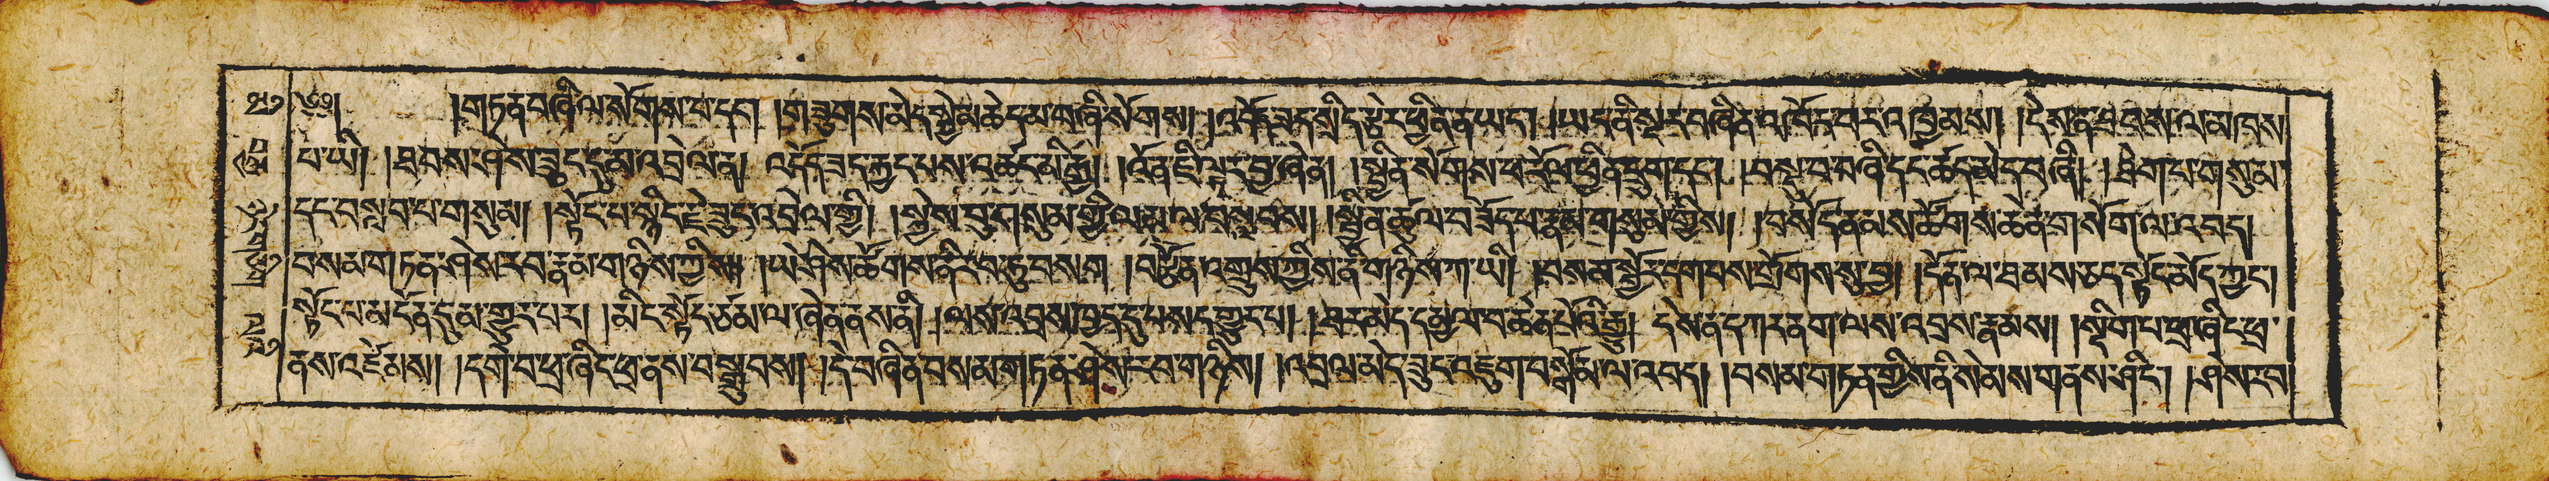གཏན་བཞི་ལ་སོགས་པ་དང་། །གཟུགས་མེད་སྐྱེ་མཆེད་མུ་བཞི་སོགས། །འདོད་ཟད་སྲིད་རྩེར་ཕྱིན་ན་ཡང། ཡང་ནི་སྔར་བཞིན་འཁོར་བར་འཁྱམས། །དེས་ན་ཐབས་ལ་མཁས་
པ་ཡི། །ཐབས་ཤེས་ཟུང་དུ་མ་འབྲེལ་ན། འདོད་ཟད་རྐྱང་པས་འཚང་མི་རྒྱ། །འོ་ན་ཇི་ལྟར་བྱ་ཞེ་ན། །སྦྱིན་སོགས་ཕ་རོལ་ཕྱིན་དྲུག་དང་། །བསྡུ་བ་བཞི་དང་ཚད་མེད་བཞི། །ཐེག་པ་གསུམ་
དང་བསླབ་པ་གསུམ། །སྟོང་པ་སྙིང་རྗེ་ཟུང་འབྲེལ་གྱི། །སྐྱེས་བུ་གསུམ་གྱི་ལམ་ལ་བསླབས། །སྦྱིན་ཚུལ་བཟོད་པ་རྣམ་གསུམ་གྱིས། །བསོད་ནམས་ཚོགས་ཆེན་གསོག་ལ་འབད། །
བསམ་གཏན་ཤེས་རབ་རྣམ་གཉིས་ཀྱིས། །ཡེ་ཤེས་ཚོགས་ནི་རབ་ཏུ་བསགས། །བརྩོན་འགྲུས་ཀྱིས་ནི་གཉིས་ཀ་ཡི། །བསམ་སྦྱོར་དག་པས་གྲོགས་སུ་བྱ། །དོན་ལ་ཐམས་ཅད་སྟོང་མོད་ཀྱང་། །
སྟོང་པ་མངོན་དུ་མ་གྱུར་པར། །མིང་སྟོང་ཙམ་ལ་ཞེན་ནས་ནི། །ལས་འབྲས་ཁྱད་དུ་བསད་གྱུར་་པ། །ཐར་མེད་དམྱལ་བ་ཆེན་པོའི་རྒྱུ། དེས་ན་དཀར་ནག་ལས་འབྲས་རྣམས། །སྡིག་པ་ཕྲ་ཞིང་ཕྲ་
ནས་འཛེམས། །དགེ་བ་ཕྲ་ཞིང་ཕྲ་ནས་བསྒྲུབས། །དེ་བཞིན་བསམ་གཏན་ཤེས་རབ་གཉིས། །འབྲལ་མེད་ཟུང་འཇུག་བསྒོམ་ལ་འབད། །བསམ་གཏན་གྱིས་ནི་སེམས་གནས་ཤིང་། །ཤེས་རབ་